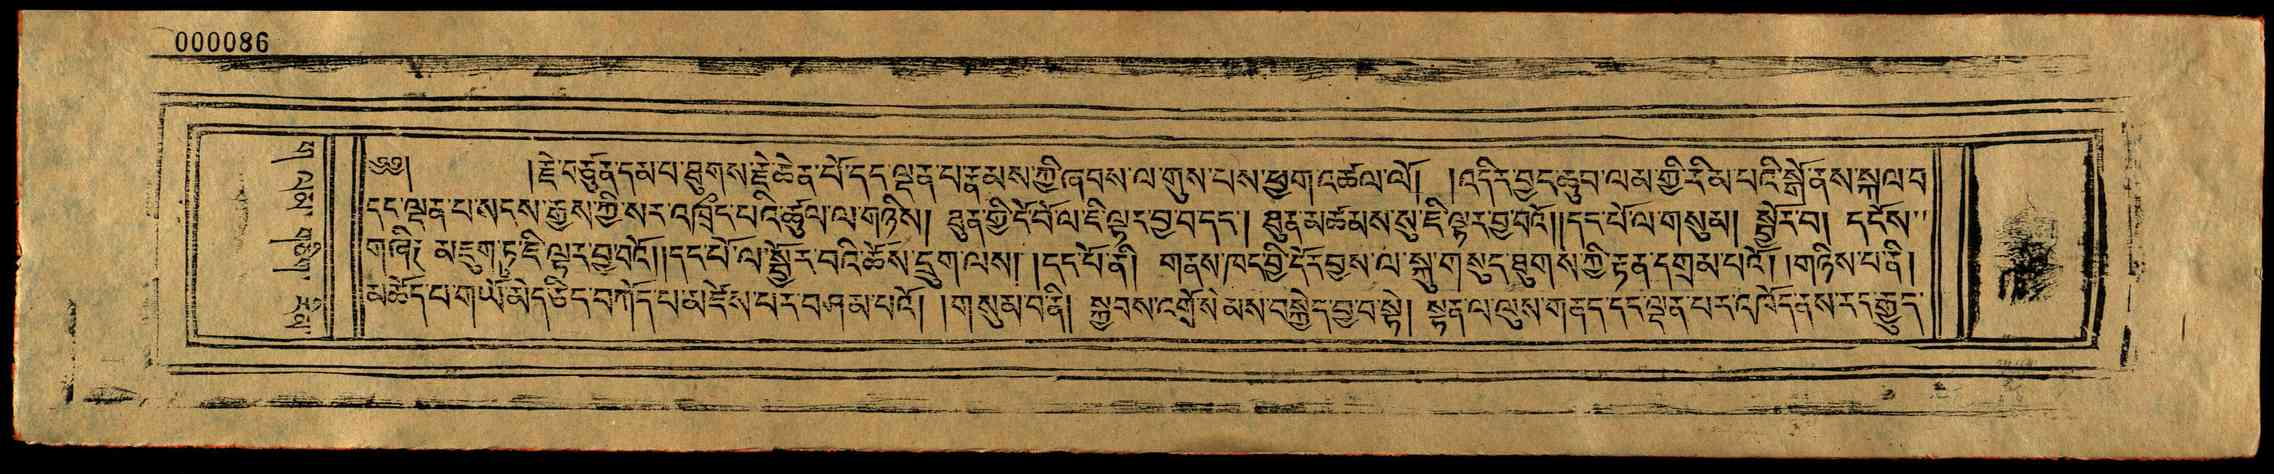༄༅། །རྗེ་བཙུན་དམ་པ་ཐུགས་རྗེ་ཆེན་པོ་དང་ལྡན་པ་རྣམས་ཀྱི་ཞབས་ལ་གུས་པས་ཕྱག་འཚལ་ལོ། །འདིར་བྱང་ཆུབ་ལམ་གྱི་རིམ་པའི་སྒོ་ནས་སྐལ་བ་
དང་ལྡན་པ་སངས་རྒྱས་ཀྱི་སར་འཁྲིད་པའི་ཚུལ་ལ་གཉིས། ཐུན་གྱི་ངོ་བོ་ལ་ཇི་ལྟར་བྱ་བ་དང་། ཐུན་མཚམས་སུ་ཇི་ལྟར་བྱ་བའོ། །དང་པོ་ལ་གསུམ། སྦྱོར་བ། དངོས་
གཞི། མཇུག་ཏུ་ཇི་ལྟར་བྱ་བའོ། །དང་པོ་ལ་སྦྱོར་བའི་ཆོས་དྲུག་ལས། །དང་པོ་ན། གནས་ཁང་བྱི་དོར་བྱས་ལ་སྐུ་གསུང་ཐུགས་ཀྱི་རྟེན་དགྲམ་པའོ། །གཉིས་པ་ནི།
མཆོད་པ་གཡོ་མེད་ཅིང་བཀོད་པ་མཛེས་པར་བཤམ་པའོ། །གསུམ་པ་ནི། སྐྱབས་འགྲོ་སེམས་བསྐྱེད་བྱ་བ་སྟེ། སྟན་ལ་ལུས་གནང་དང་ལྡན་པར་འཁོད་ནས་རང་རྒྱུད་